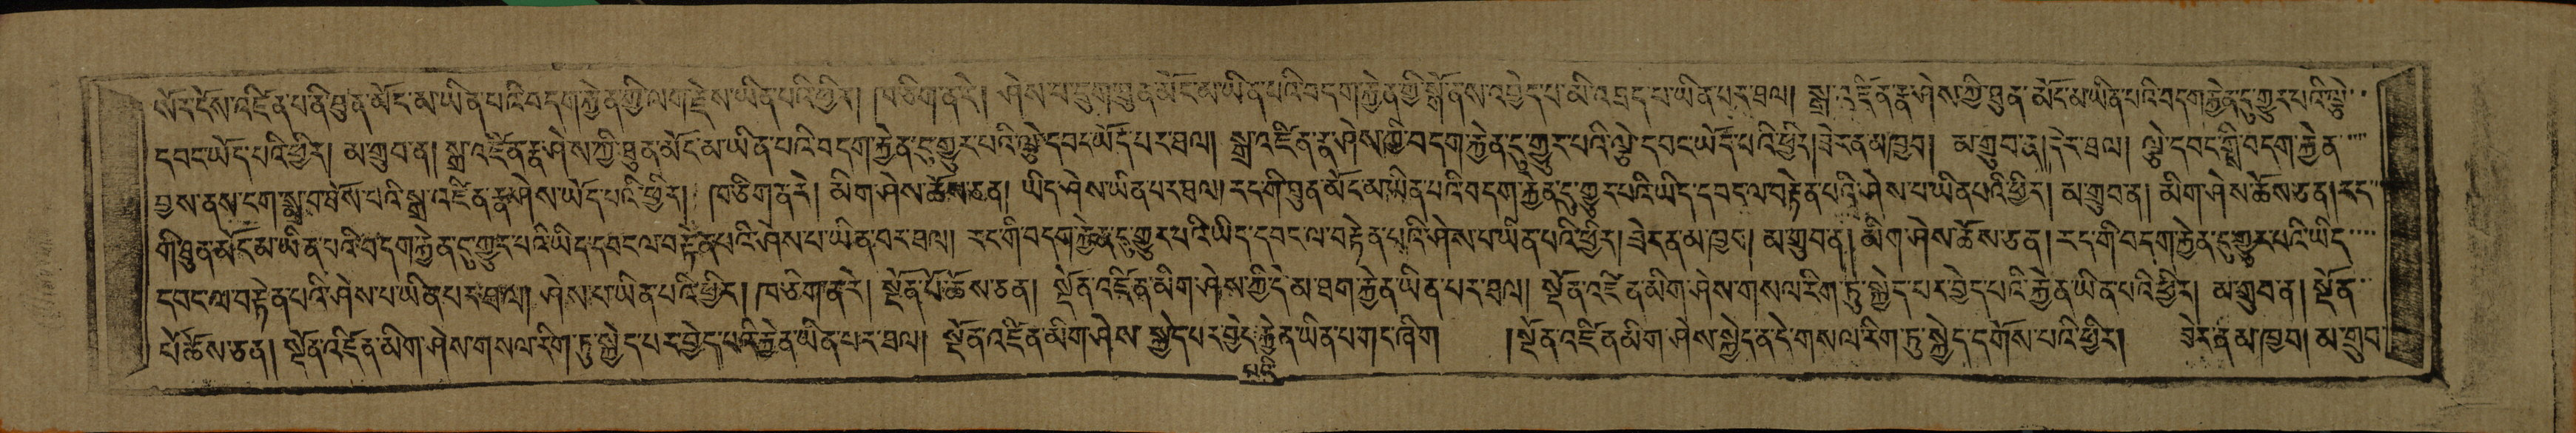སོར་ངོས་འཛིན་པ་ནི་ཐུན་མོང་མ་ཡིན་པའི་བདག་རྐྱེན་གྱི་ལག་རྗེས་ཡིན་པའི་ཕྱིར། ཁ་ཅིག་ན་རེ། ཤེས་པ་དྲུག་ཐུན་མོང་མ་ཡིན་པའི་བདག་རྐྱེན་གྱི་སྒོ་ནས་འབྱེད་པ་མི་འཐད་པ་ཡིན་པར་ཐལ། སྒྲ་འཛིན་རྣ་ཤེས་ཀྱི་ཐུན་མོང་མ་ཡིན་པའི་བདག་རྐྱེན་དུ་གྱུར་པའི་ལྕེ་
དབང་ཡོད་པའི་ཕྱིར། མ་གྲུབ་ན། སྒྲ་འཛིན་རྣ་ཤེས་ཀྱི་ཐུན་མོང་མ་ཡིན་པའི་བདག་རྐྱེན་དུ་གྱུར་པའི་ལྕེ་དབང་ཡོད་པར་ཐལ། སྒྲ་འཛིན་རྣ་ཤེས་ཀྱི་བདག་རྐྱེན་དུ་གྱུར་པའི་ལྕེ་དབང་ཡོད་པའི་ཕྱིར། ཟེར་ན་མ་ཁྱབ། མ་གྲུབ་ན། དེར་ཐལ། ལྕེ་དབང་གིས་བདག་རྐྱེན་
བྱས་ནས་ངག་སྨྲ་བ་ཐོས་པའི་སྒྲ་འཛིན་རྣ་ཤེས་ཡོད་པའི་ཕྱིར། ཁ་ཅིག་ན་རེ། མིག་ཤེས་ཆོས་ཅན། ཡིད་ཤེས་ཡིན་པར་ཐལ། རང་གི་ཐུན་མོང་མ་ཡིན་པའི་བདག་རྐྱེན་དུ་གྱུར་པའི་ཡིད་དབང་ལ་བརྟེན་པའི་ཤེས་པ་ཡིན་པའི་ཕྱིར། མ་གྲུབ་ན། མིག་ཤེས་ཆོས་ཅན། རང་
གི་ཐུན་མོང་མ་ཡིན་པའི་བདག་རྐྱེན་དུ་གྱུར་པའི་ཡིད་དབང་ལ་བརྟེན་པའི་ཤེས་པ་ཡིན་པར་ཐལ། རང་གི་བདག་རྐྱེན་དུ་གྱུར་པའི་ཡིད་དབང་ལ་བརྟེན་པའི་ཤེས་པ་ཡིན་པའི་ཕྱིར། ཟེར་ན་མ་ཁྱབ། མ་གྲུབ་ན། མིག་ཤེས་ཆོས་ཅན། རང་གི་བདག་རྐྱེན་དུ་གྱུར་པའི་ཡིད་
དབང་ལ་བརྟེན་པའི་ཤེས་པ་ཡིན་པར་ཐལ། ཤེས་པ་ཡིན་པའི་ཕྱིར། ཁ་ཅིག་ན་རེ། སྔོན་པོ་ཆོས་ཅན། སྔོན་འཛིན་མིག་ཤེས་ཀྱི་དེ་མ་ཐག་རྐྱེན་ཡིན་པར་ཐལ། སྔོན་འཛིན་མིག་ཤེས་གསལ་རིག་ཏུ་སྐྱེད་པར་བྱེད་པའི་རྐྱེན་ཡིན་པའི་ཕྱིར། མ་གྲུབ་ན། སྔོན་
པོ་ཆོས་ཅན། སྔོན་འཛིན་མིག་ཤེས་གསལ་རིག་ཏུ་སྐྱེད་པར་བྱེད་པའི་རྐྱེན་ཡིན་པར་ཐལ། སྔོན་འཛིན་མིག་ཤེས་སྐྱེད་པར་བྱེད་པའི་རྐྱེན་ཡིན་པ་གང་ཞིག །སྔོན་འཛིན་མིག་ཤེས་སྐྱེད་ན་དེ་གསལ་རིག་ཏུ་སྐྱེད་དགོས་པའི་ཕྱིར། ཟེར་ན་མ་ཁྱབ། མ་གྲུབ་